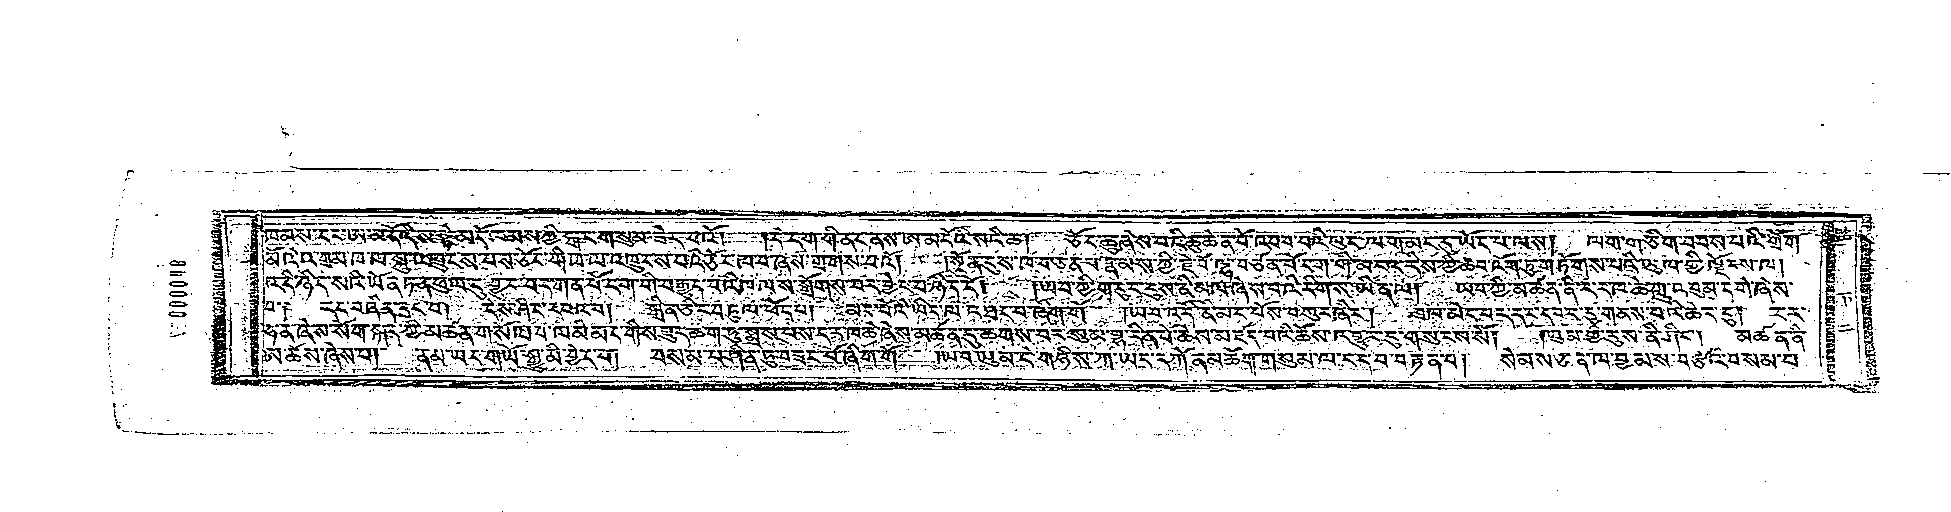ཁམས་དང་ཨ་མདོའི་ས་སྟེ་མདོ་ཁམས་ཀྱི་སྒང་གསུམ་ཟེར་བའོ། །དེ་དག་གི་ནང་ནས་ཨ་མདོའི་སའི་ཆ། ཙོང་ཆུ་ཞེས་པའི་ཆུ་ཆེན་པོ་འབབ་པའི་ལུང་ལག་མང་དུ་ཡོད་པ་ལས། ལག་གཅིག་བབས་པའི་གྲོག་
མོའི་འགྲམ་ཁ་ལ་སྐུ་འཁྲུངས་པས་ཙོང་གི་ཁ་ལ་འཁྲུངས་པའི་ཙོང་ཁ་བ་ཞེས་གྲགས་པའོ། །སྔོན་དུས་ཁ་བ་ཅན་པ་རྣམས་ཀྱི་རྗེ་བོ་ལྷ་བཙན་བོ་ངག་གི་མངའ་རིས་ཀྱི་ཆབ་འོག་ཏུ་གཏོགས་པའི་ཡུལ་གྱི་ལྗོངས་ལ།
འདི་ཉིད་སའི་ཡོན་ཏན་ཕུལ་དུ་བྱུང་བར་གན་པོ་ངག་གི་བརྒྱུད་པའི་ཁ་ལས་སྒྲོགས་པར་བྱེད་པ་ཉིད་དོ། །ཡབ་ཀྱི་གདུང་རུས་ནི་མལ་ཞེས་པའི་རིགས་ཡིན་ལ། ཡབ་ཀྱི་མཚན་ནི་ངར་ཁ་ཆེ་ཀླུ་འབུམ་དགེ་ཞེས་
བ༑ རང་བཞིན་དྲང་བ། དེས་ཤིང་དཔའ་བ། སྒྲིན་ཅིང་བཏུལ་ཕོད་པ། མང་པོའི་ཡིད་ལ་འཐང་པ་ཞིག་གོ། །ཡབ་འདི་ནི་མར་པོས་བཀུར་ཞིང་། ཁྲལ་མེད་པར་རང་དབང་དུ་གནས་བའི་ཆེད་དུ། ངར་
ཧན་ཞེས་སོགས་སྐད་ཀྱི་མཚན་གསོལ་བ་ལ་མི་མང་གིས་ཟུར་ཆག་ཏུ་སྨྲས་པས་དར་ཁ་ཆེ་ཞེས་མཚན་དུ་ཆགས་བར་སུམ་བྷ་རིན་པོ་ཆེས་མཛད་པའི་ཆོས་འབྱུང་དུ་གསུངས་སོ། །ཡུམ་གྱི་རུས་ནི་ཤིང་། མཚན་ནི་
ཨ་ཆོས་ཞེས་པ། ནམ་ཡང་གཡོ་སྒྱུ་མི་བྱེད་པ། བསམ་པ་ཤིན་ཏུ་བཟང་བོ་ཞིག་གོ །ཡབ་ཡུམ་དེ་གཉིས་ཀ་ཡང་དཀོན་མཆོག་གསུམ་ལ་ངད་པ་བརྟན་པ། སེམས་ཅན་ལ་བྱམས་བརྩེའི་བསམ་པ་